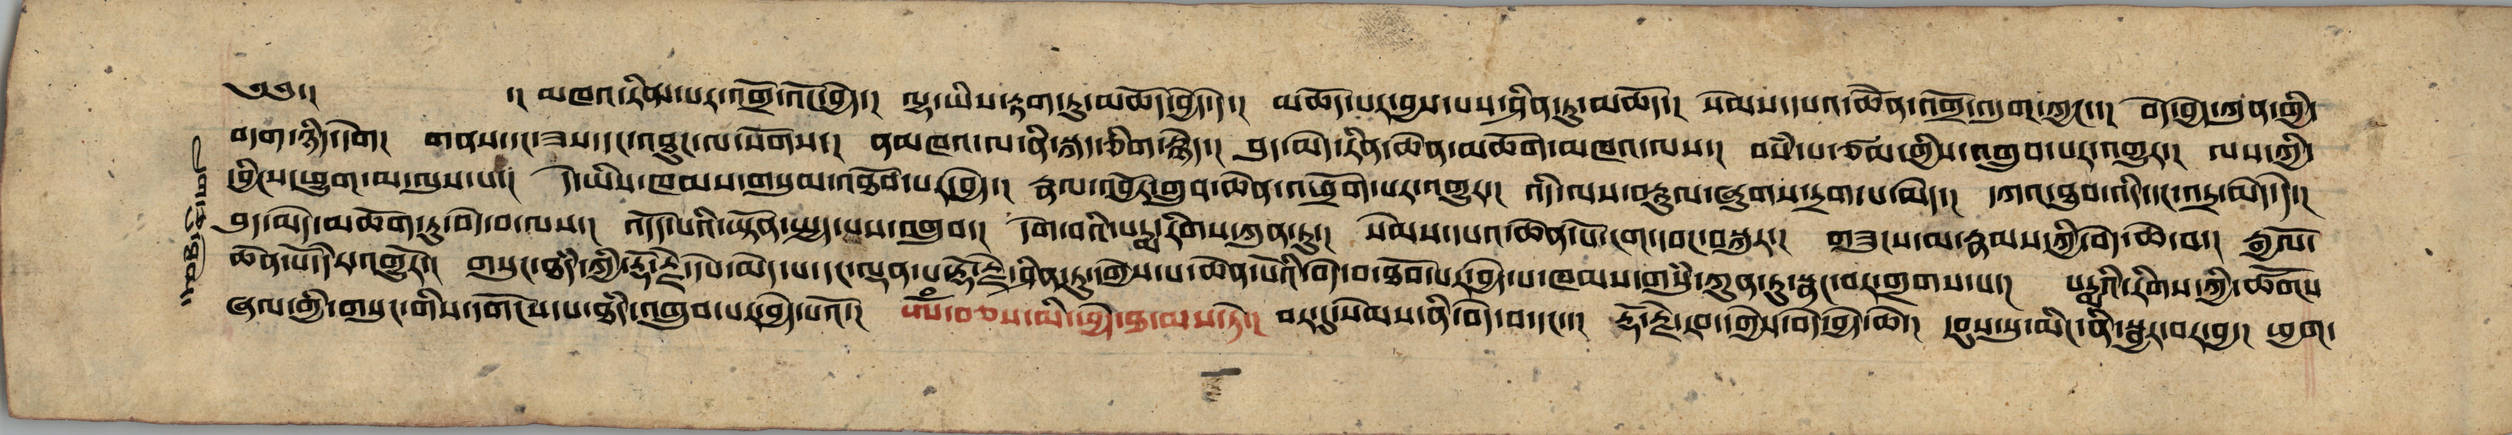༄༅་། ་། མཁའ་རིམ་པར་འགྲོ་འོང་བྱེད་། ལྷ་ཡིས་རྟག་ཏུ་མཆོད་བྱེད་དེ་། མཆོད་པར་བྱས་པ་ཤིན་ཏུ་མཆོད་། སེམས་དཔའ་ཆེོན་འགྲོ་འདུག་ཀྱང་་། བདེ་བྱེད་ཀུན་གྱི་
བདག་ཉིད་དགེ། གནས་དང་ཟས་དང་འཐུང་ལ་སོགས་། ནམཁའ་ལ་ནི་སྐད་ཅིག་རྙེད་། བུད་མེད་རིན་ཆེན་མཆོག་མཁའ་ལས་། བསཾ་པ་ཙམ་གྱིས་འགྲུབ་པར་འགྱུར་། ལས་ཀྱི་
དབྱིངས་ཕྱུག་མ་ལུས་པ་། དེ་ཡིས་ཁམས་གསུམ་འཐོབ་པར་བྱེད་། རྣལ་འབྱོར་གྲུབ་ཆེན་འཕྲོག་པར་འགྱུར་། འདི་ལས་བརྟུལ་ཞུགས་དྲག་པ་མེད་། དཀའ་ཐུབ་འདི་དང་འདྲ་མེད་དེ་།
བུད་མེད་མཆོག་ཏུ་བདེ་བ་ལས་། འདོད་པའི་ཡྟོན་སྤྱད་པས་འགྲུབ་། དགེ་བའི་པདྨ་རིགས་ཀུན་ཏུ་། སེམས་དཔའ་ཆེན་པོ་ངག་དབང་བསྐུར་། གཟུངས་མ་རྣམས་ཀྱི་བདེ་ཆེ་བ་། རྒྱལོ་
ཆེན་པོ་དེར་འགྱུརོ་། གསུང་ཐདཾ་ཀྱི་རྡོ་རྗེ་དཔེ་མེད་པ་དང་ལྡན་པ་རྡོ་རྗེ་ཤིན་ཏུ་དགྱེས་པ་ཆེན་པོའི་བདེ་བ་ཐོབ་པར་བྱེད་པ་ཁམས་གསུཾ་ཀུན་ཏུ་སྣང་བར་གྲགས་པ་། པདྨའི་རིགས་ཀྱི་ཚོགས་
ཞལ་གྱི་གསུང་གིས་དགོངས་པ་ཐདཾ་འགྲུབ་པར་བྱེད་པའོ་། ཨོཾ་བཅས་མི་ཕྱེད་ཐ་མས་ཏེ་། བར་དུ་སེམས་ནི་བདེ་བ་དང་་། རྡོ་རྗེ་རབ་དགྱེས་བདེ་བྱེད་ཆེ་། དབུས་སུ་མིང་ནི་སྦྱར་བར་བྱ་། ཕྱག་